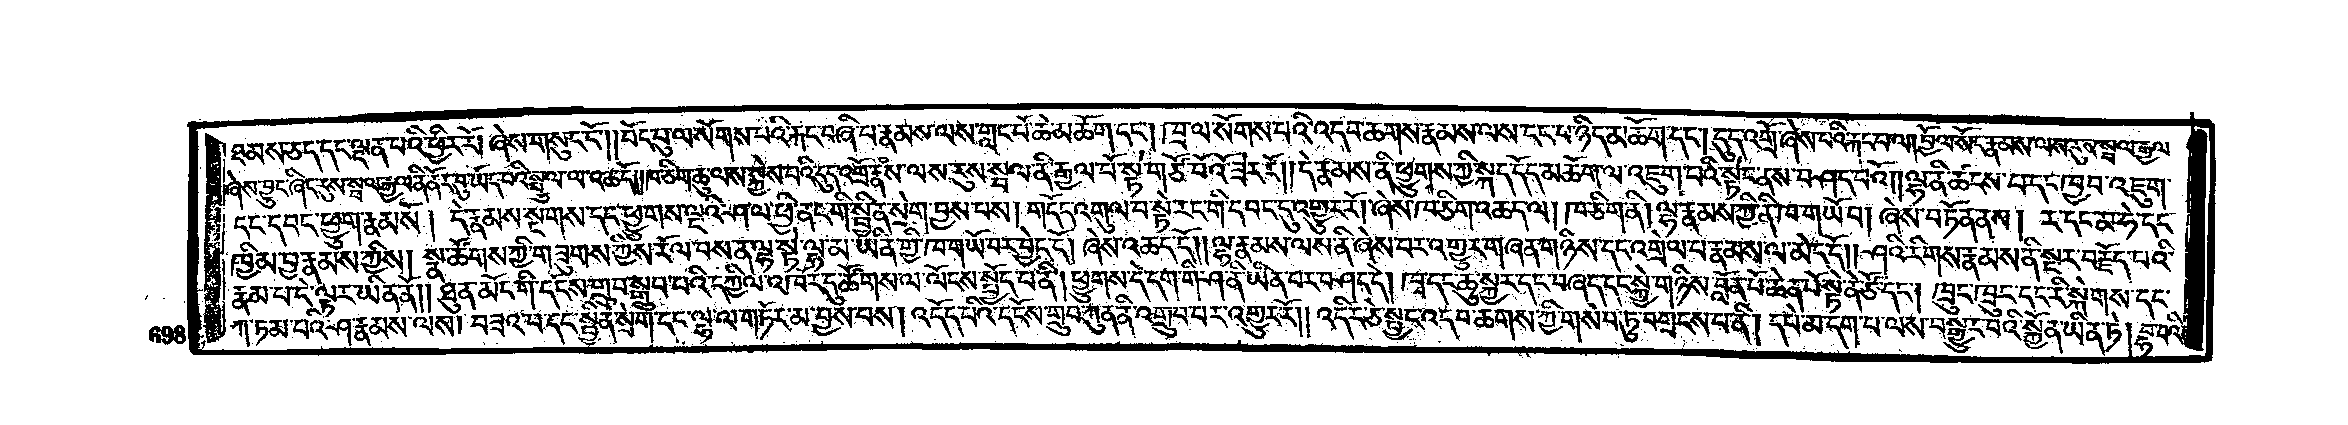ཐམས་ཅད་དང་ལྡན་པའི་ཕྱིར་རོ། །ཞེས་གསུང་ངོ། །བོང་བུ་ལ་སོགས་པའི་རྐང་བཞི་པ་རྣམས་ལས་གླང་པོ་ཆེ་མཆོག་དང་། ཁྲ་ལ་སོགས་པའི་འདབ་ཆགས་རྣམས་ལས་ངང་པ་ཉིད་མཆོག་དང་། དུད་འགྲོ་ཞེས་པའི་རྐང་པ་ལ། བྱོལ་སོང་རྣམས་ལས་རུས་སྦལ་རྒྱལ་
ཞེས་བྱུང་ཞིང་རུས་སྦལ་རྒྱལ་ནི་ནོར་བུ་ཡོད་པའི་སྤྲུལ་ལ་འཆད་དོ། །ཁ་ཅིག་ཆུ་ལས་སྐྱེས་པའི་དུད་འགྲོ་རྣམས་ལས་རུས་སྦལ་ནི་རྒྱལ་པོ་སྟེ་གཙོ་བོའོ་ཟེར་རོ། །དེ་རྣམས་ནི་ཕྱུགས་ཀྱི་སྐད་དོད་མཆོག་ལ་འཇུག་པའི་སྟེང་ནས་བཤད་པའོ། །ལྷ་ནི་ཚངས་པ་དང་ཁྱབ་འཇུག་
དང་དབང་ཕྱུག་རྣམས་སོ། དེ་རྣམས་སྔགས་དང་ཕྱུགས་ལྔའི་ཤ་ལ་ཕྱི་ནང་གི་སྦྱིན་སྲེག་བྱས་པས། གདོད་འགུལ་བ་སྟེ་རང་གི་དབང་དུ་འགྱུར་རོ། ཞེས་ཁ་ཅིག་འཆད་ལ། ཁ་ཅིག་ནི། ལྷ་རྣམས་ཀྱི་ནི་ཁ་གཡོ་བ། ཞེས་བཏོན་ནས། ར་དང་མ་ཧེ་དང་
ཁྱིམ་བྱ་རྣམས་ཀྱིས། སྣ་ཚོགས་ཀྱི་གཟུགས་ཀྱིས་རོལ་བས་ན་ལྷ་སྟེ་ལྷ་མ་ཡིན་གྱི་ཁ་གཡོ་བར་བྱེད་དོ། ཞེས་འཆད་དོ། །ལྷ་རྣམས་ལས་ནི་ཞེས་པར་འགྱུར་གཞན་གཉིས་དང་འགྲེལ་པ་རྣམས་ལ་མེད་དོ། །ཤའི་རིགས་རྣམས་ནི་སྔར་བརྗོད་པའི་
རྣམ་པ་དེ་ལྟར་ཡིན་ནོ། །ཐུན་མོང་གི་དངོས་གྲུབ་སྒྲུབ་པའི་དཀྱིལ་འཁོར་དུ་ཚོགས་ལ་ལོངས་སྤྱོད་པ་ནི། ཕྱུགས་དེ་དག་གི་ཤ་ནི་ཡིན་པར་བཤད་དེ། ཁྭ་དང་ཆུ་སྐྱར་དང་བཞད་དང་སྐྱེ་གཉིས་བློན་པོ་ཆེན་པོ་སྟེ་ནེ་ཙོ་དང་། ཁྲུང་ཁྲུང་དང་རི་སྐེགས་དང་
ཀ་ཏམ་པའི་ཤ་རྣམས་ལས། བཟའ་བ་དང་སྦྱིན་སྲེག་དང་ལྷ་ལ་གཏོར་མ་བྱས་པས། འདོད་པའི་དངོས་གྲུབ་ཀུན་ནི་འགྲུབ་པར་འགྱུར་རོ། །འདིར་ཅེ་སྤྱང་འདབ་ཆགས་ཀྱི་གསེབ་ཏུ་བགྲངས་པ་ནི། དཔེ་མ་དག་པ་ལས་